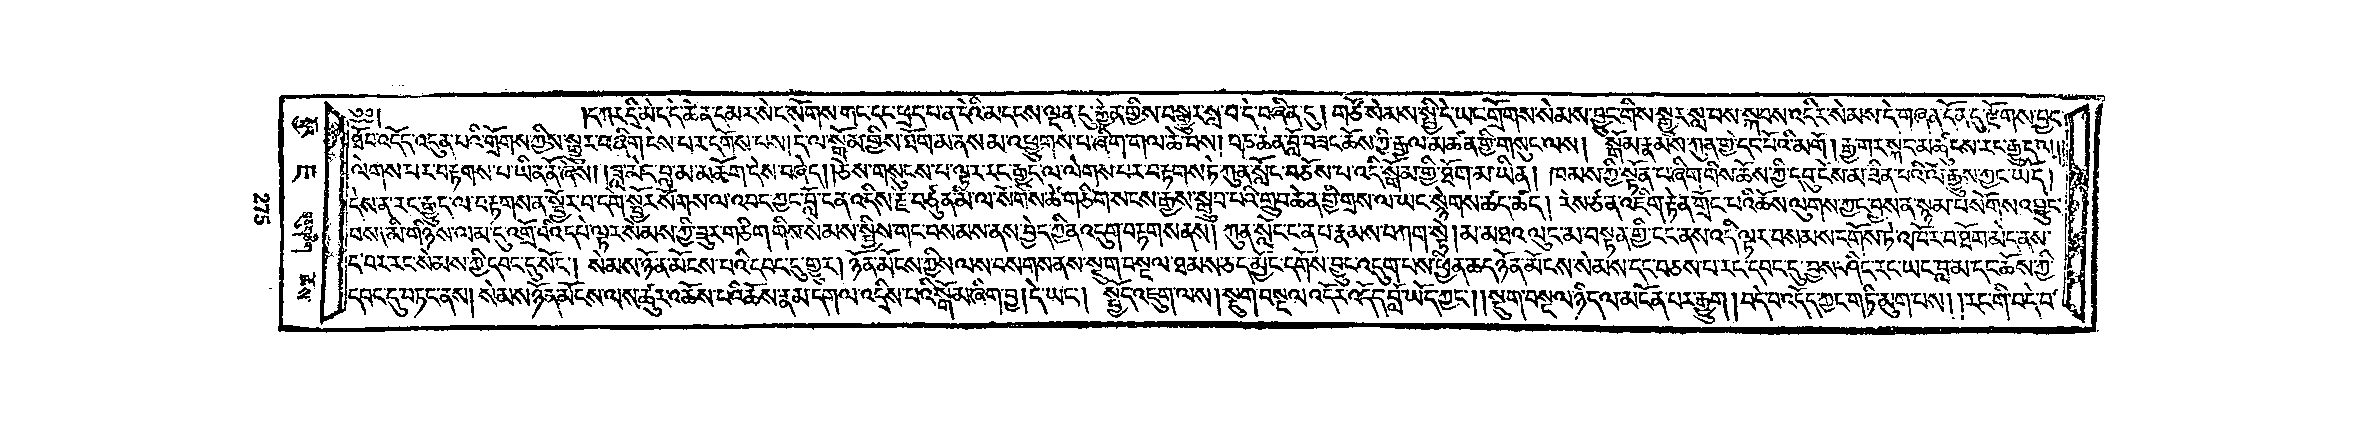༄༅། །དཀར་དྲི་མེད་དེ་ཚེན་དམར་སེང་སོགས་གང་དང་ཕྲད་པ་ན་དེའི་མདངས་ལྡན་དུ་རྐྱེན་གྱིས་བསྒྱུར་སླ་བ་དེ་བཞིན་དུ། གཙོ་སེམས་སྤྱི་དེ་ཡང་གྲོགས་སེམས་བྱུང་གིས་སྒྱུར་སླ་བས་སྐབས་འདིར་སེམས་དེ་གཞན་དོན་དུ་རྫོགས་བྱང་
ཐོབ་འདོད་འདུན་པའི་གྲོགས་ཀྱིས་སྒྱུར་བ་ཞིག་ངེས་པར་དགོས་པས། དེ་ལ་སྒོམ་གྱིས་ཐོག་མ་ནས་མ་འཕྱུགས་པ་ཞིག་གལ་ཆེ་བས། པཎ་ཆེན་བློ་བཟང་ཆོས་ཀྱི་རྒྱལ་མཚན་གྱི་གསུང་ལས། སྒོམ་རྣམས་ཀུན་གྱེ་དང་པོའི་མགོ །རྒྱ་གར་སྐད་མཚུངས་རང་རྒྱུད་ལ། །
ལེགས་པར་བརྟགས་པ་ཡིན་ནོ་ཞེས། །ཟླ་མེད་བླ་མ་མཆོག་དེས་བཞེད། །ཅེས་གསུངས་པ་ལྟར་རང་རྒྱུད་ལ་ལེགས་པར་བརྟགས་ཏེ་ཀུན་སློང་བཅོས་པ་འདི་སྒོམ་གྱི་ཐོག་མ་ཡིན། ཁམས་ཀྱི་སྟོན་པ་ཞིག་གིས་ཆོས་ཀྱི་དབུ་ངེས་མ་ཟིན་པའི་ལོ་རྒྱུས་ཀྱང་ཡོད།
དེས་ན་རང་རྒྱུད་ལ་བརྟགས་ན་སྦྱོར་བ་དགེ་སྦྱོར་སོགས་ལ་འབད་ཀྱང་བློ་ངན་འདིས་རྗེ་བཙུན་མི་ལ་སོགས་ཚེ་གཅིག་སངས་རྒྱས་སྒྲུབ་པའི་གྲུབ་ཆེན་གྱི་གྲས་ལ་ཡང་སྙེགས་ཚད་ཚད། རེས་ཙ་ན་འཇིག་རྟེན་གྲོང་པའི་ཆོས་ལུགས་ཀྱང་བྱས་ན་སྙམ་པ་སོགས་འབྱུང་
བས། མི་གཉིས་ལམ་དུ་འགྲོ་བའི་དཔེ་ལྟར་སེམས་ཀྱི་ཟུར་གཅིག་གིས་སེམས་སྦྱིས་གང་བསམས་ནས་བྱེད་ཀྱིན་འདུག་བརྟགས་ནས། ཀུན་སློང་ངན་པ་རྣམས་བཀག་སྟེ། མ་མཐའ་ལུང་མ་བསྟན་གྱི་ངང་ནས་འདི་ལྟར་བསམས་དགོས་ཏེ་འཁོར་བ་ཐོག་མེད་ནས་
ད་བར་རང་སེམས་ཀྱི་དབང་དུ་སོང་། སེམས་ཉོན་མོངས་པའི་དབང་དུ་གྱུར། ཉོན་མོངས་ཀྱིས་ལས་བསགས་ནས་སྡུག་བསྔལ་ཐམས་ཅད་མྱོང་དགོས་བྱུང་འདུག་པས་ཕྱིན་ཆད་ཉོན་མོངས་སེམས་དང་བཅས་པ་རང་དབང་དུ་བྱས་ཤིང་རང་ཡང་བླ་མ་དང་ཆོས་ཀྱི་
དབང་དུ་བཏང་ནས། སེམས་ཉོན་མོངས་ལས་ཚུར་འཆོས་པའི་ཆོས་རྣམ་དག་ལ་འདྲིས་པའི་སྒོམ་ཞིག་བྱ། དེ་ཡང་། སྤྱོད་འཇུག་ལས། སྡུག་བསྔལ་འདོར་འདོད་བློ་ཡོད་ཀྱང་། །སྡུག་བསྔལ་ཉིད་ལ་མངོན་པར་རྒྱུག །བདེ་བ་འདོད་ཀྱང་གཏི་མུག་པས། །རང་གི་བདེ་བ་